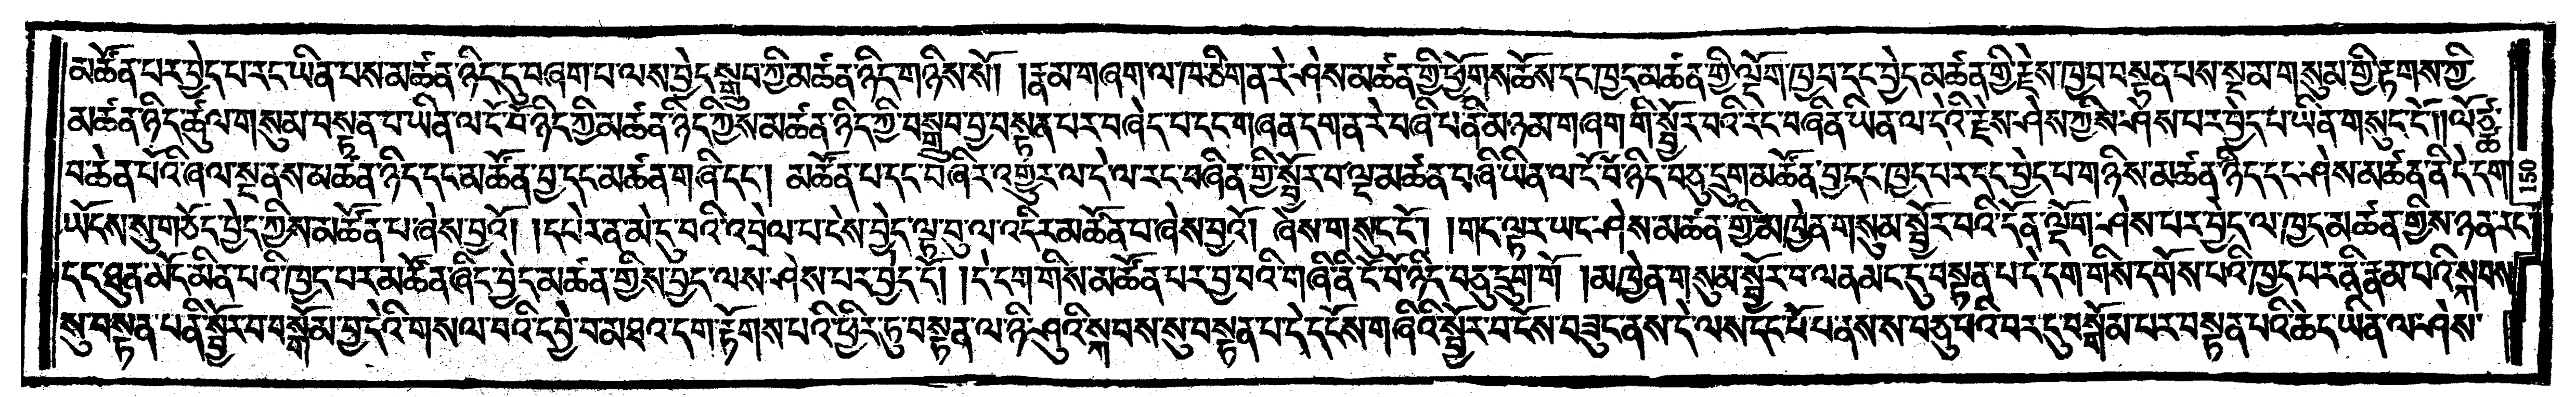མཚོན་པར་བྱེད་པ་རང་ཡིན་པས་མཚན་ཉིད་དུ་བཞག་པ་ལས་བྱེད་སྒྲུབ་ཀྱི་མཚན་ཉིད་གཉིས་སོ། །རྣམ་གཞག་ལ་ཁ་ཅིག་ན་རེ་ཤེས་མཚན་གྱི་ཕྱོགས་ཆོས་དང་ཁྱད་མཚན་གྱི་ལྡོག་ཁྱབ་དང་བྱེད་མཚན་གྱི་རྗེས་ཁྱབ་བསྟན་པས་སྔ་མ་གསུམ་གྱི་རྟགས་ཀྱི་
མཚན་ཉིད་ཚུལ་གསུམ་བསྟན་པ་ཡིན་ལ་ངོ་བོ་ཉིད་ཀྱི་མཚན་ཉིད་ཀྱིས་མཚན་ཉིད་ཀྱི་བསྒྲུབ་བྱ་བསྟན་པར་བཞེད་པ་དང་གཞན་དག་ན་རེ་བཞི་པ་ནི་མཉམ་གཞག་གི་སྦྱོར་བའི་རང་བཞིན་ཡིན་ལ་དེའི་རྗེས་ཤེས་ཀྱིས་ཤེས་པར་བྱེད་པ་ཡིན་གསུང་ངོ། །ལོཙྪ་
བ་ཆེན་པོའི་ཞལ་སྔ་ནས་མཚན་ཉིད་དང་མཚོན་བྱ་དང་མཚན་གཞི་དང་། མཚོན་པ་དང་བཞིར་འགྱུར་ལ་དེ་ལ་རང་བཞིན་གྱི་སྦྱོར་བ་ལྔ་མཚན་བཞི་ཡིན་ལ་ངོ་བོ་ཉིད་བཅུ་དྲུག་མཚོན་བྱ་དང་ཁྱད་པར་དང་བྱེད་པ་གཉིས་མཚན་ཉིད་དང་ཤེས་མཚན་ནི་དེ་དག་
ཡོངས་སུ་གཅོད་བྱེད་ཀྱིས་མཚོན་པ་ཞེས་བྱའོ། །དཔེར་ན་མེ་དུ་བའི་འབྲེལ་པ་ངེས་བྱེད་ལྟ་བུ་ལ་འདིར་མཚོན་པ་ཞེས་བྱའོ། ཞེས་གསུང་ངོ། །གང་ལྟར་ཡང་ཤེས་མཚན་གྱི་མཁྱེན་གསུམ་སྦྱོར་བའི་དོན་ལྡོག་ཤེས་པར་བྱེད་ལ་ཁྱད་མཚན་གྱིས་ཉན་རང་
དང་ཐུན་མོང་མིན་པའི་ཁྱད་པར་མཚོན་ཞིང་བྱེད་མཚན་གྱིས་བྱད་ལས་ཤེས་པར་བྱེད་དོ། །དེ་དག་གིས་མཚོན་པར་བྱ་བའི་གཞི་ནི་ངོ་བོ་ཉིད་བཅུ་དྲུག་གོ །མཁྱེན་གསུམ་སྦྱོར་བ་ལན་མང་དུ་བསྟན་པ་དེ་དག་གིས་དགོས་པའི་ཁྱད་པར་ནི་རྣམ་པའི་སྐབས་
སུ་བསྟན་པ་ནི་སྦྱོར་བ་བསྒོམ་བྱ་དེའི་གསལ་བའི་དབྱེ་བ་མཐའ་དག་རྟོགས་པའི་ཕྱིར་ཏུ་བསྟན་ལ་ཉི་ཤུའི་སྐབས་སུ་བསྟན་པ་དེ་དངོས་གཞིའི་སྦྱོར་བ་ངོས་བཟུང་ནས་དེ་ལས་དང་པོ་པ་ནས་ས་བཅུ་པའི་བར་དུ་བསྒོམ་པར་བསྟན་པའི་ཆེད་ཡིན་ལ་ཤེས་